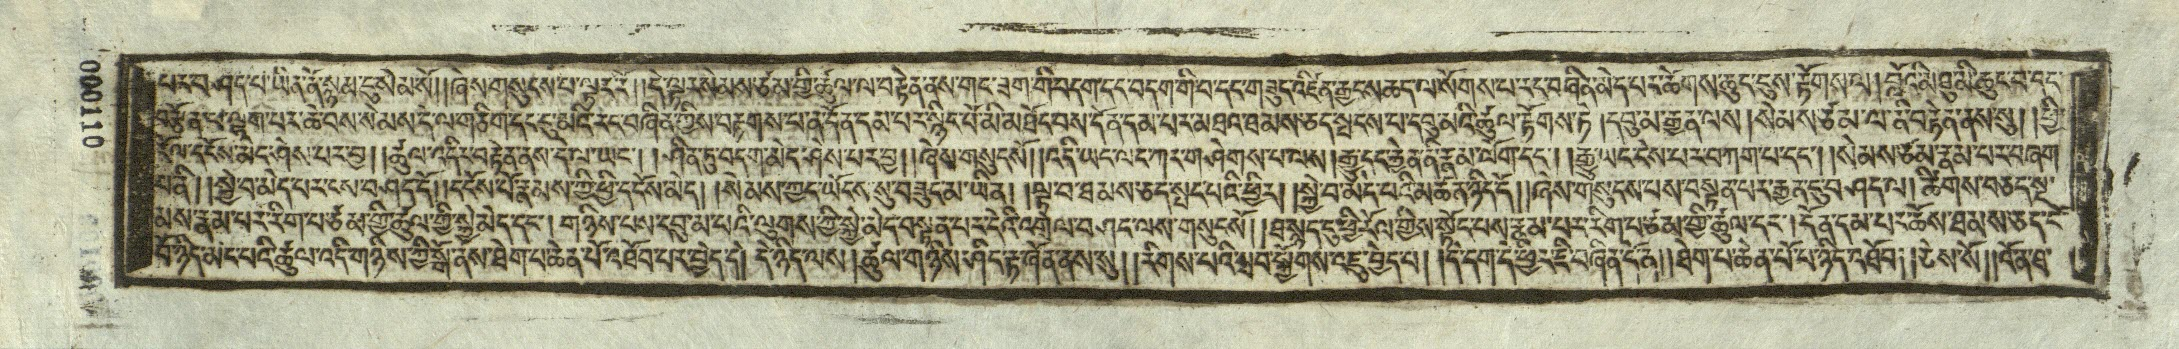པར་བཤད་བ་ཡིན་ནོ་སྙམ་དུ་སེམས་སོ། །ཞེས་གསུངས་པ་ལྟར་རོ། །དེ་ལྟར་སེམས་ཙམ་གྱི་ཚུལ་ལ་བརྟེན་ནས་གང་ཟག་གི་བདག་དང་བདག་གི་བ་དང་གཟུང་འཛིན་རྒྱངས་ཆད་ལ་སོགས་པ་རང་བཞིན་མེད་པར་ཆགས་ཆུང་དུས་རྟོགས་ལ། བློའི་མཐུ་མི་ཆུང་བ་དང་
བརྩོན་པ་ལྷག་པར་ཆེ་བས་སེམས་དེ་ལ་གཅིག་དང་དུ་མའི་རང་བཞིན་གྱིས་བརྟགས་པ་ན་དོན་དམ་པར་སྙིང་པོ་མི་མཐོང་བས་དོན་དམ་པར་མཐའ་ཐམས་ཅད་སྤངས་པ་དབུ་མའི་ཚུལ་རྟོགས་ཏེ། དབུ་མ་རྒྱན་ལས། སེམས་ཙམ་ལ་ནི་བརྟེན་ནས་སུ། །ཕྱི་
རོལ་དངོས་མེད་ཤེས་པར་བྱ། །ཚུལ་འདིར་བརྟེན་ནས་དེ་ལ་ཡང་། །ཤིན་ཏུ་བདག་མེད་ཤེས་པར་བྱ། །ཞེས་གསུངས་སོ། །འདི་ཡང་ལང་ཀར་གཤེགས་པ་ལས། རྒྱུ་དང་རྐྱེན་ནི་རྣམ་ལོག་དང་། །རྒྱུ་ཡང་ངེས་པར་བཀག་པ་དང་། །སེམས་ཙམ་རྣམ་པར་བཞག་
པ་ནི། །སྐྱེ་བ་མེད་པར་ངས་བཤད་དོ། །དངོས་པོ་རྣམས་ཀྱི་ཕྱི་དངོས་མེད། །སེམས་ཀྱང་ཡོངས་སུ་བཟུང་མ་ཡིན། །ལྟ་བ་ཐམས་ཅད་སྤངས་བའི་ཕྱིར། །སྐྱེ་བ་མེད་པའི་མཚན་ཉིད་དོ། །ཞེས་གསུངས་པས་བསྟན་པར་རྒྱན་དུ་བཤད་ལ། ཚིགས་བཅད་སྔ་
མས་རྣམ་པར་རིག་པ་ཙམ་གྱི་ཚུལ་གྱི་སྐྱེ་མེད་དང་། གཉིས་པས་དབུ་མ་པའི་ལུགས་ཀྱི་སྐྱེ་མེད་བསྟན་པར་དེའི་འགྲལ་བཤད་ལས་གསུངས་སོ། །ཐ་སྙད་དུ་ཕྱི་རོལ་གྱིས་སྟོང་པས་རྣམ་པར་རིག་པ་ཙམ་གྱི་ཚུལ་དང་། དོན་དམ་པར་ཚེས་ཐམས་ཅད་ངོ་
བོ་ཉིད་མེད་པའི་ཚུལ་འདི་གཉིས་ཀྱི་སྒོ་ནས་ཐེག་པ་ཆེན་པོ་འཐོབ་པར་བྱེད་དེ། དེ་ཉིད་ལས། ཚུལ་གཉིས་ཤིང་རྟ་ཞོན་ནས་སུ། །རིགས་པའི་སྲབ་སྐྱོགས་འཇུ་བྱེད་པ། །དེ་དག་དེ་ཕྱིར་ཇི་བཞིན་དེན། །ཐེག་པ་ཆེན་པོ་པ་ཉིད་འཐོབ། །ཅེས་སོ། །འོན་ཐ་